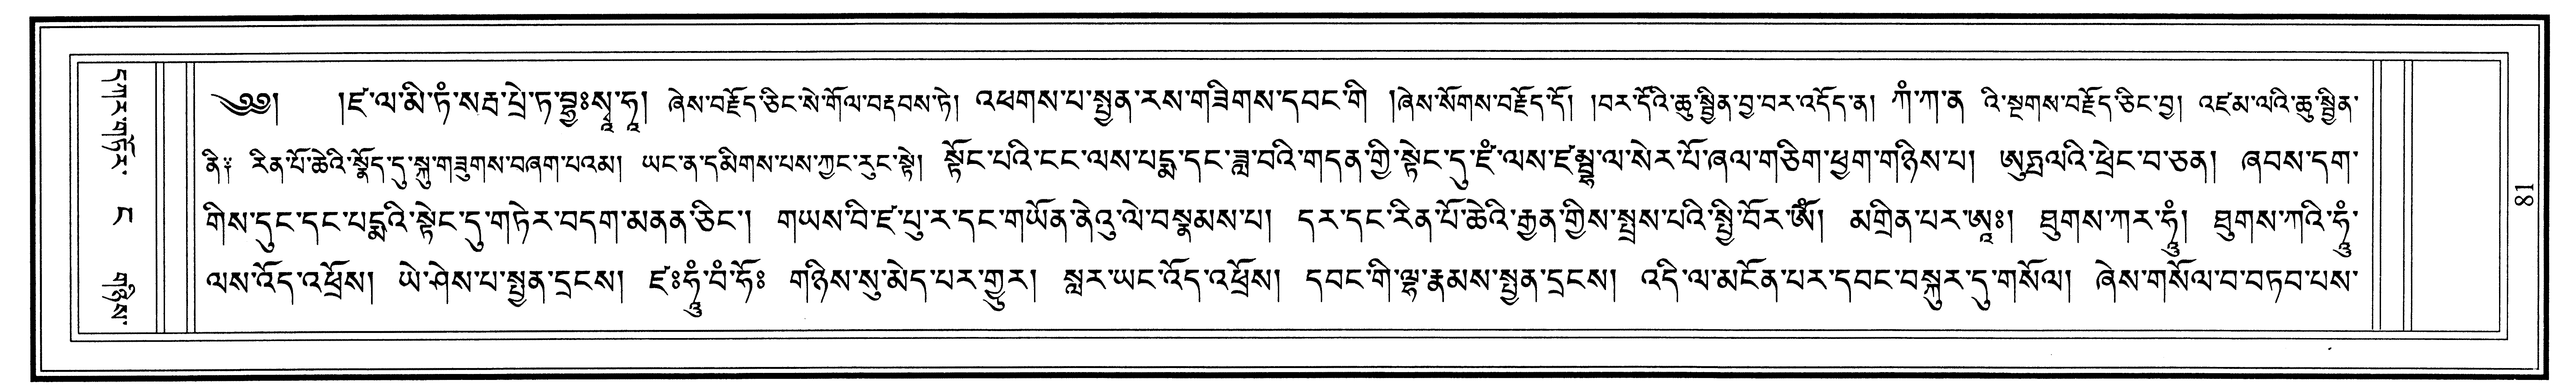༄༅། །ཛ་ལ་མི་ཏཾ་སརྦ་པྲེ་ཏ་བྷྱཿ སྭཱ་ཧཱ། ཞེས་བརྗོད་ཅིང་སེ་གོལ་བརྡབས་ཏེ། འཕགས་པ་སྤྱན་རས་གཟིགས་དབང་གི །ཞེས་སོགས་བརྗོད་དོ། །བར་དོའི་ཆུ་སྦྱིན་བྱ་བར་འདོད་ན། ཀཾ་ཀ་ནའི་སྔགས་བརྗོད་ཅིང་བྱ། འཛམ་ལའི་ཆུ་སྦྱིན་
ནི༑ རིན་པོ་ཆེའི་སྣོད་དུ་སྐུ་གཟུགས་བཞག་པའམ། ཡང་ན་དམིགས་པས་ཀྱང་རུང་སྟེ། སྟོང་པའི་ངང་ལས་པདམ་དང་ཟླ་བའི་གདན་གྱི་སྟེང་དུ་ཛཾ་ལས་ཛམྦྷ་ལ་སེར་པོ་ཞལ་གཅིག་ཕྱག་གཉིས་པ། ཨུཏྤལའི་ཕྲེང་བ་ཅན། ཞབས་དག་
གིས་དུང་དང་པདམའི་སྟེང་དུ་གཏེར་བདག་མནན་ཅིང་། གཡས་བི་ཛ་པུ་ར་དང་གཡོན་ནེའུ་ལེ་བསྣམས་པ། དར་དང་རིན་པོ་ཆེའི་རྒྱན་གྱིས་སྤྲས་པའི་སྤྱི་བོར་ཨོཾ། མགྲིན་པར་ཨཱཿ ཐུགས་ཀར་ཧཱུཾ། ཐུགས་ཀའི་ཧཱུཾ་
ལས་འོད་འཕྲོས། ཡེ་ཤེས་པ་སྤྱན་དྲངས། ཛཿ ཧཱུཾ་བཾ་ཧོཿ གཉིས་སུ་མེད་པར་གྱུར། སླར་ཡང་འོད་འཕྲོས། དབང་གི་ལྷ་རྣམས་སྤྱན་དྲངས། འདི་ལ་མངོན་པར་དབང་བསྐུར་དུ་གསོལ། ཞེས་གསོལ་བ་བཏབ་པས་